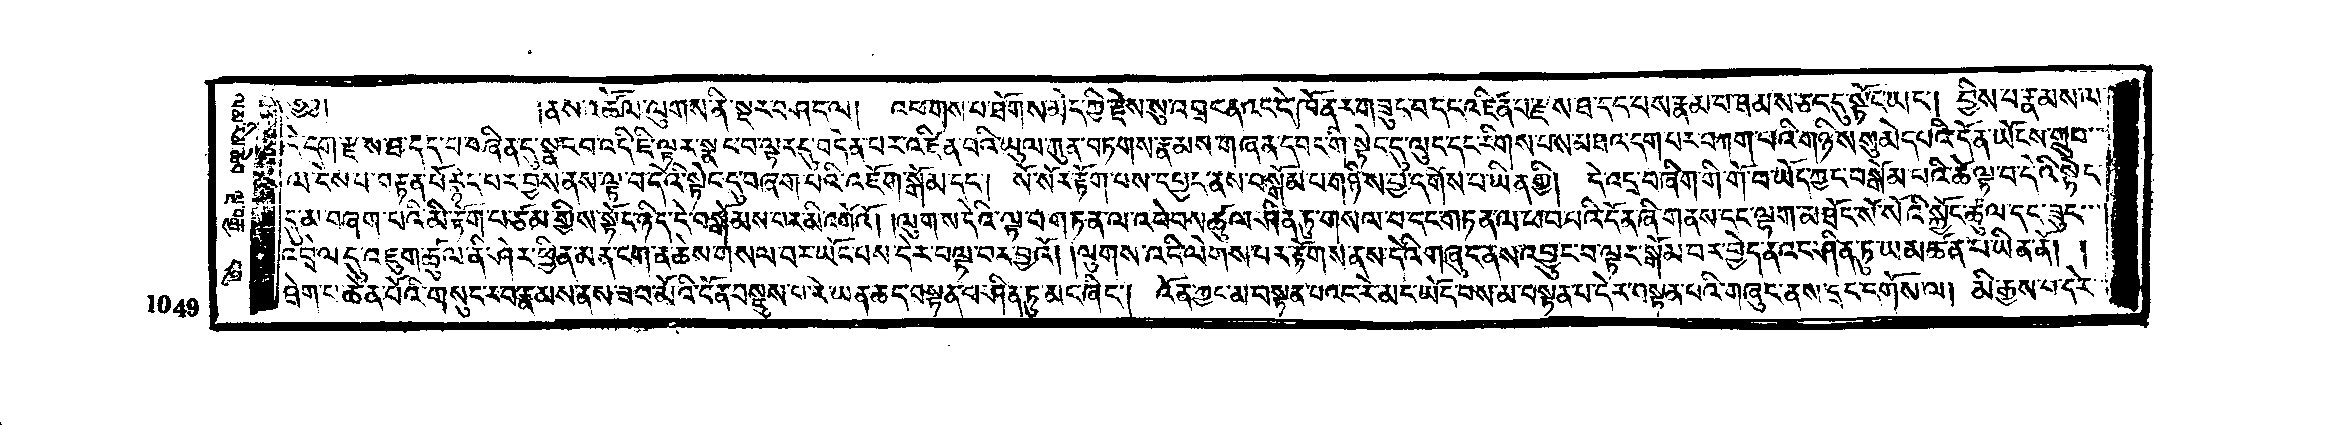༄༅། །ནས་འཚོལ་ལུགས་ནི་སྔར་བཤད་ལ། འཕགས་པ་ཐོགས་མེད་ཀྱི་རྗེས་སུ་འབྲང་ནའང་དེ་ཁོ་ནར་གཟུང་བ་དང་འཛིན་པ་རྫས་ཐ་དད་པས་རྣམ་པ་ཐམས་ཅད་དུ་སྟེང་ཡང་། བྱིས་པ་རྣམས་ལ་
དེ་དག་རྫས་ཐ་དད་པ་བཞིན་དུ་སྣང་བ་འདི་ཇི་ལྟར་སྣང་བ་ལྟར་དུ་བདེན་པར་འཛིན་པའི་ཡུལ་ཀུན་བཏགས་རྣམས་གཞན་དབང་གི་སྟེང་དུ་ལུང་དང་རིགས་པས་མཐའ་དག་པར་བཀག་པའི་གཉིས་སུ་མེད་པའི་དོན་ཡོངས་གྲུབ་
ལ་ངེས་པ་བརྟན་པོ་རྙེད་པར་བྱས་ནས་ལྟ་བ་དེའི་སྟེང་དུ་བཞག་པའི་འཇོག་སྒོམ་དང་། སོ་སོར་རྟོག་པས་དཔྱད་ནས་བསྒོམ་པ་གཉིས་བྱ་དགོས་པ་ཡིན་གྱི། དེ་འདྲ་བ་ཞིག་གི་གོ་བ་ཡོད་ཀྱང་བསྒོམ་པའི་ཚེ་ལྟ་བ་དེའི་སྟེང་
དུ་མ་བཞག་པའི་མི་རྟོག་པ་ཙམ་གྱིས་སྟོང་ཉིད་དེ་བསྒོམས་པར་མི་འགྲོའོ། །ལུགས་དེའི་ལྟ་བ་གཏན་ལ་འབེབས་ཚུལ་ཤིན་ཏུ་གསལ་བ་དང་གཏན་ལ་ཕབ་པའི་དོན་ཞི་གནས་དང་ལྷག་མཐོང་སོ་སོའི་སྐྱོང་ཚུལ་དང་ཟུང་
འཕྲེལ་དུ་འཇུག་ཚུལ་ནི་ཤེར་ཕྱིན་མན་ངག་ན་ཆེས་གསལ་བར་ཡོད་པས་དེར་བལྟ་བར་བྱའོ། །ལུགས་འདི་ལེགས་པར་རྟོགས་ནས་དེའི་གཞུང་ནས་འབྱུང་བ་ལྟར་སྒོམ་པར་བྱེད་ནའང་ཤིན་ཏུ་ཡ་མཚན་པ་ཡིན་ནོ། །
ཐེག་པ་ཆེན་པོའི་གསུང་རབ་རྣམས་ནས་ཟབ་མོའི་དོན་བསྡུས་པ་རེ་ཡན་ཆད་བསྟན་པ་ཤིན་ཏུ་མང་ཞིང་། འོན་ཀྱང་མ་བསྟན་པའང་རེ་མང་ཡོད་པས་མ་བསྟན་པ་དེར་བསྟན་པའི་གཞུང་ནས་དྲང་དགོས་ལ། མི་རྒྱས་པ་དར་